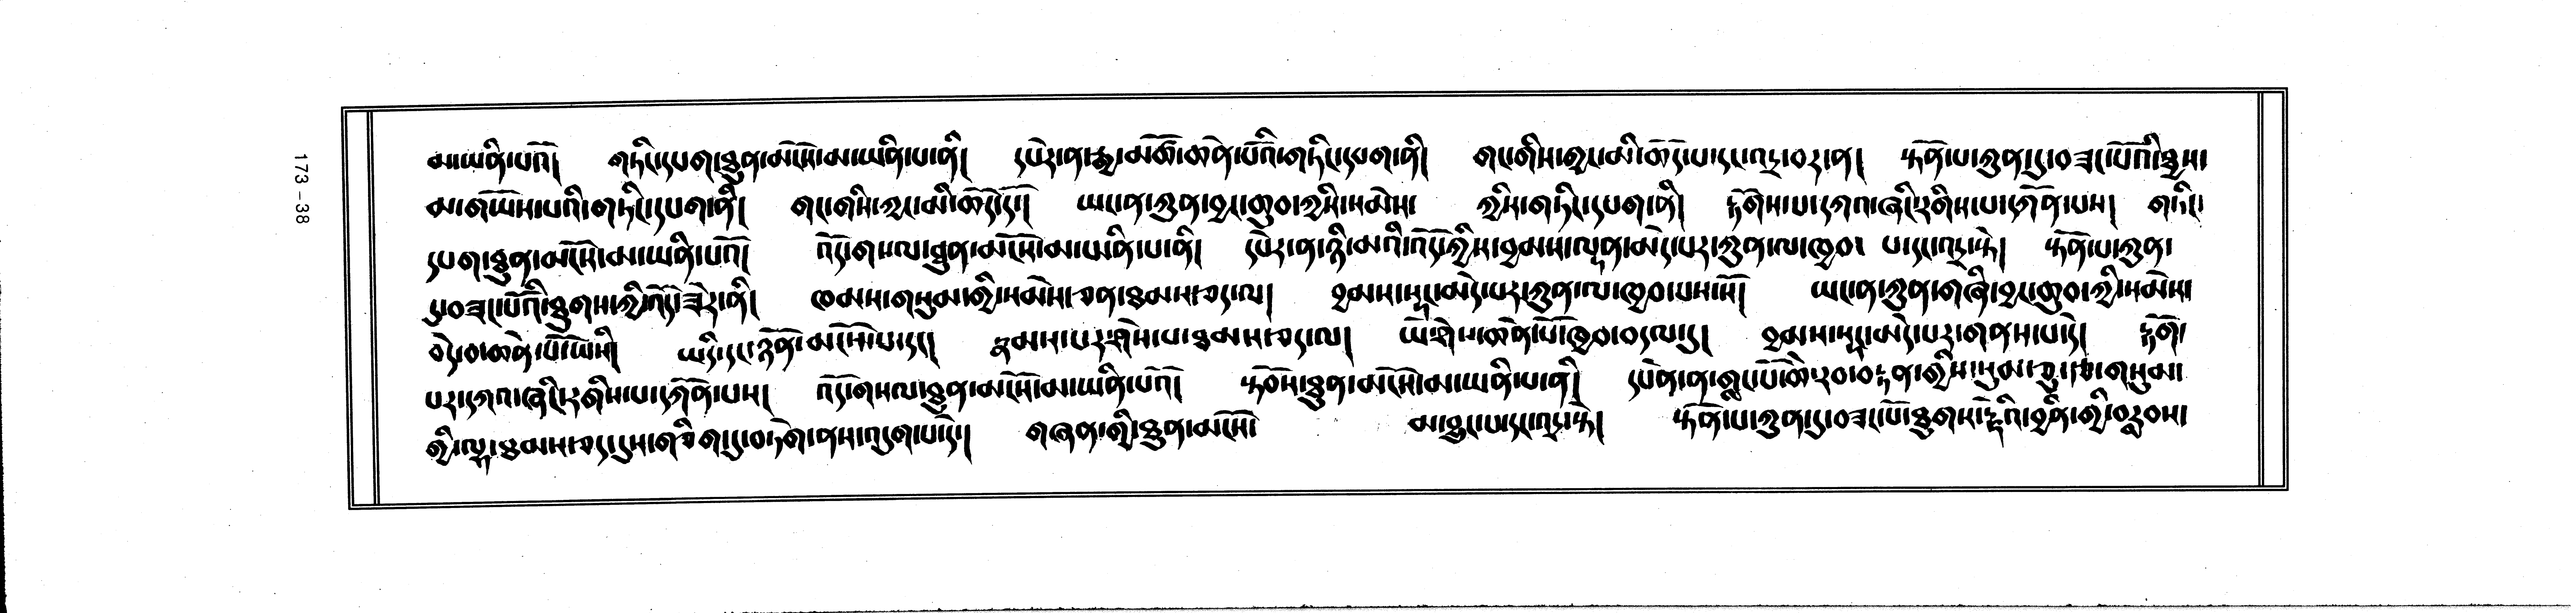མ་ཡིན་པའོ། །གཏིང་དཔག་ཐུན་མོང་མ་ཡིན་པ་ནི། དཔེར་ན་རྒྱ་མཚོ་ཆེན་པོའི་གཏིང་དཔག་ནི། གང་གིས་ཀྱང་མི་ཆོད་པ་དང་འདྲ་བས་ན། སྟོན་པ་ཀུན་ཏུ་བཟང་པོའི་ཐུགས་
མ་གཡོས་པའི་གཏིང་དཔག་ནི། གང་གིས་ཀྱང་མི་ཆོད་དོ། །ཡང་ན་ཀུན་གཞི་བྱང་ཆུབ་ཀྱི་སེམས་ཀྱི་གཏིང་དཔག་ནི། རྟོགས་པ་དཀའ་ཞིང་རིག་པ་དཀོན་པས། གཏིང་
དཔག་ཐུན་མོང་མ་ཡིན་པའོ། །འོད་གསལ་ཐུན་མོང་མ་ཡིན་པ་ནི། དཔེར་ན་ཉི་མའི་འོད་ཀྱིས་བྱམས་ལྡན་མེད་པར་ཀུན་ལ་ཁྱབ་པ་དང་འདྲ་སྟེ། སྟོན་པ་ཀུན་
ཏུ་བཟང་པོའི་ཐུགས་ཀྱི་འོད་ཟེར་ནི། ཁམས་གསུམ་གྱི་སེམས་ཅན་ཐམས་ཅད་ལ་བྱམས་སྡང་མེད་པར་ཀུན་ལ་ཁྱབ་པས་སོ། །ཡང་ན་ཀུན་གཞི་བྱང་ཆུབ་ཀྱི་སེམས་
བདེ་བ་ཆེན་པོ་ཡིས། ཡིད་དང་ཉོན་མོངས་པ་དང་། རྣམ་པར་ཤེས་པ་ཐམས་ཅད་ལ། ཡེ་ཤེས་ཆེན་པོ་ཁྱབ་བདལ་དུ། བྱམས་སྡང་མེད་པར་གནས་པ་དེ། རྟོགས་
པར་དཀའ་ཞིང་རིག་པར་དཀོན་པས། འོད་གསལ་ཐུན་མོང་མ་ཡིན་པའོ། སྟོབས་ཐུན་མོང་མ་ཡིན་པ་ནི། དཔེར་ན་གླང་པོ་ཆེ་རབ་བརྟན་གྱིས་སུམ་ཅུ་རྩ་གསུམ་
གྱི་ལྷ་ཐམས་ཅད་དུས་གཅིག་ཏུ་བཏེགས་ནས་འདུག་པ་དེ། གཞན་གྱི་ཐུན་མོང་མ་བྱུང་བ་དང་འདྲ་སྟེ། སྟོན་པ་ཀུན་ཏུ་བཟང་པོ་ཐུགས་རྗེའི་བྱིན་གྱིས་བརླབས་